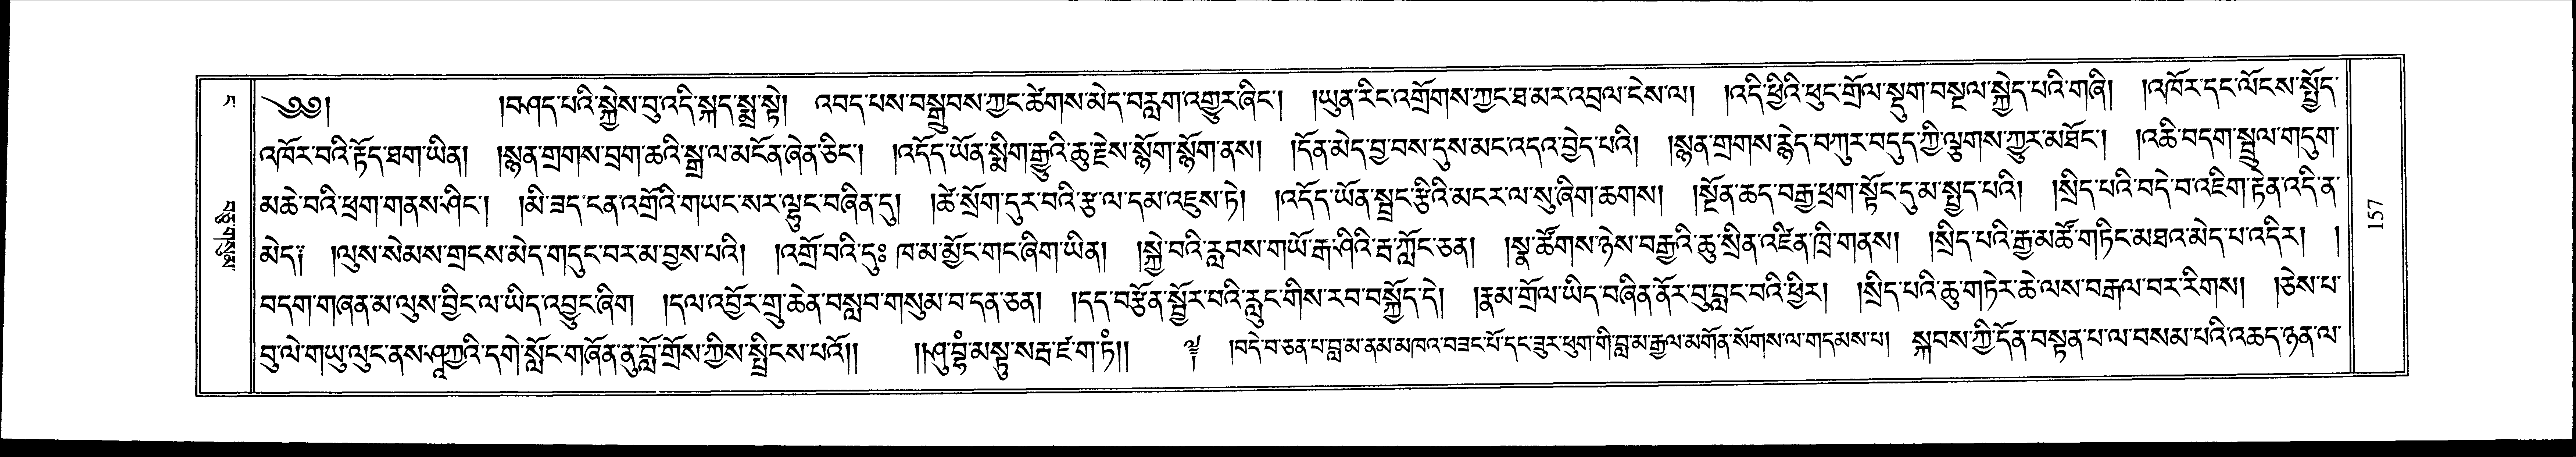༄༅། །བཤད་པའི་སྐྱེས་བུ་འདི་སྐད་སྨྲ་སྟེ། འབད་པས་བསྒྲུབས་ཀྱང་ཚེགས་མེད་བརླག་འགྱུར་ཞིང་། །ཡུན་རིང་འགྲོགས་ཀྱང་ཐ་མར་འབྲལ་ངེས་ལ། །འདི་ཕྱིའི་ཕུང་གྲོལ་སྡུག་བསྔལ་སྐྱེད་པའི་གཞི། །འཁོར་དང་ལོངས་སྤྱོད་
འཁོར་བའི་རྟོད་ཐག་ཡིན། །སྙན་གྲགས་བྲག་ཆའི་སྒྲ་ལ་མངོན་ཞེན་ཅིང་། །འདོད་ཡོན་སྨིག་རྒྱུའི་ཆུ་རྗེས་སྙོག་སྙོག་ནས། །དོན་མེད་བྱ་བས་དུས་མང་འདའ་བྱེད་པའི། །སྙན་གྲགས་རྙེད་བཀུར་བདུད་ཀྱི་ལྕགས་ཀྱུར་མཐོང་། །འཆི་བདག་སྦྲུལ་གདུག་
མཆེ་བའི་ཕྲག་གནས་ཤིང་། །མི་ཟད་ངན་འགྲོའི་གཡང་སར་ལྷུང་བཞིན་དུ། །ཚེ་སྲོག་དུར་བའི་རྩ་ལ་དམ་འཇུས་ཏེ། །འདོད་ཡོན་སྦྲང་རྩིའི་མངར་ལ་སུ་ཞིག་ཆགས། །སྔོན་ཆད་བརྒྱ་ཕྲག་སྟོང་དུ་མ་སྤྱད་པའི། །སྲིད་པའི་བདེ་བ་འཇིག་རྟེན་འདི་ན་
མེད། །ལུས་སེམས་གྲངས་མེད་གདུང་བར་མ་བྱས་པའི། །འགྲོ་བའི་དུཿ ཁ་མ་མྱོང་གང་ཞིག་ཡིན། །སྐྱེ་བའི་རླབས་གཡོ་རྒ་ཤིའི་རྦ་ཀློང་ཅན། །སྣ་ཚོགས་ཉེས་བརྒྱའི་ཆུ་སྲིན་འཛིན་ཁྲི་གནས། །སྲིད་པའི་རྒྱ་མཚོ་གཏིང་མཐའ་མེད་པ་འདིར། །
བདག་གཞན་མ་ལུས་བྱིང་ལ་ཡིད་འབྱུང་ཞིག །དལ་འབྱོར་གྲུབ་ཆེན་བསླབ་གསུམ་བ་དན་ཅན། །དད་བརྩོན་སྦྱོར་བའི་རླུང་གིས་རབ་བསྐྱོད་དེ། །རྣམ་གྲོལ་ཡིད་བཞིན་ནོར་བུ་བླང་བའི་ཕྱིར། །སྲིད་པའི་ཆུ་གཏེར་ཆེ་ལས་བརྒལ་བར་རིགས། །ཅེས་པ་
བུ་ལེ་གཡུ་ལུང་ནས་ཤཱཀྱའི་དགེ་སློང་གཞོན་ནུ་བློ་གྲོས་ཀྱིས་སྤྲིངས་པའོ།། །།ཤུ་བྷཾ་མསྟུ་སརྦ་ཛ་ག་ཏཾ།། ༈ །བདེ་བ་ཅན་པ་བླ་མ་ནམ་མཁའ་བཟང་པོ་དང་ཟུར་ཕུག་གི་བླ་མ་རྒྱལ་མགོན་སོགས་ལ་གདམས་པ། སྐབས་ཀྱི་དོན་བསྟན་པ་ལ་བསམ་པའི་འཆད་ཉན་ལ་